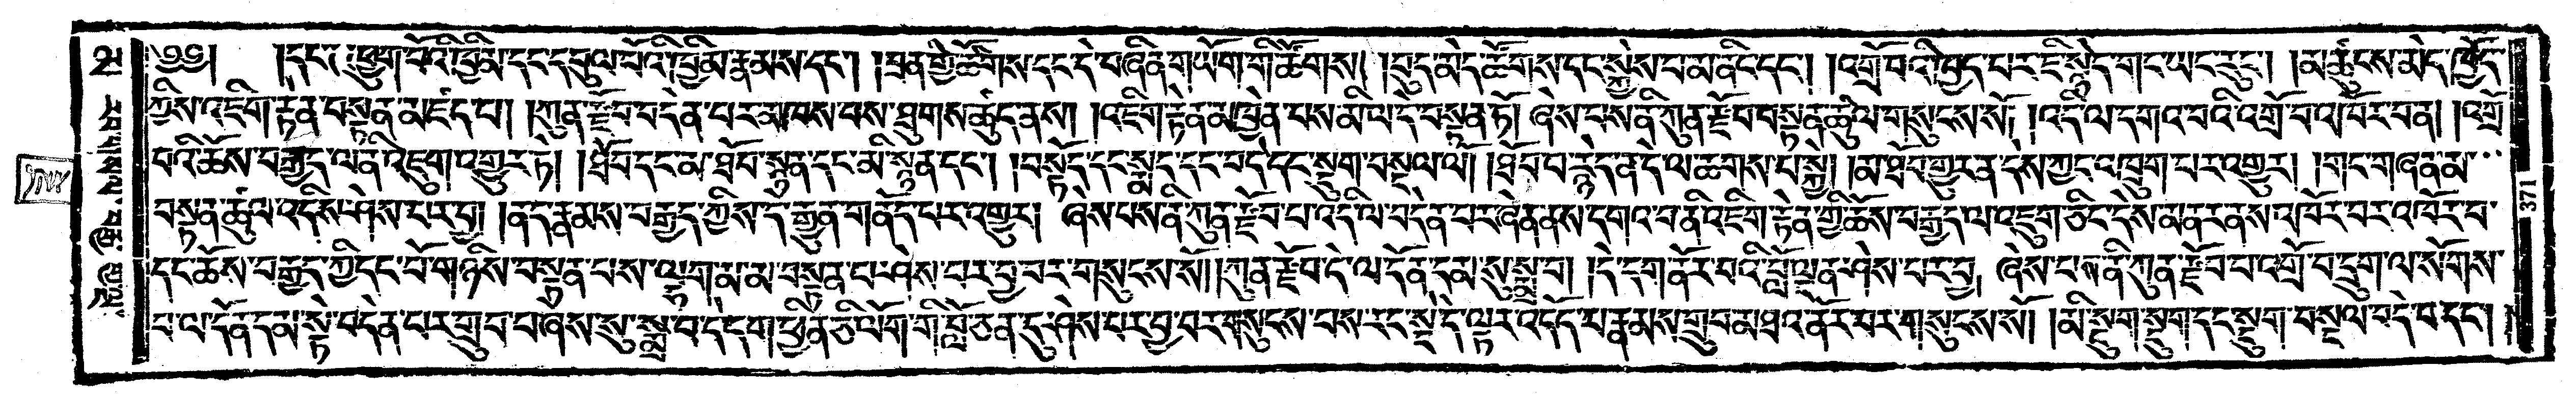༄༅། །དང་། །ཕྱུག་པོའི་ཁྱིམ་དང་དབུལ་པོའི་ཁྱིམ་རྣམས་དང་། །བྲན་གྱི་ཚོགས་དང་དེ་བཞིན་གཡོག་གི་ཚོགས། །བུད་མེད་ཚོགས་དང་སྐྱེས་པ་མ་ནིང་དང་། །འགྲོ་བའི་ཁྱད་པར་ཇི་སྙེད་གང་ཡང་རུང་། །མཚུངས་མེད་ཁྱོད་
ཀྱིས་འཇིག་རྟེན་བསྟན་མཛད་པ། །ཀུན་རྫོབ་བདེན་པར་མཁས་པས་ཐུགས་ཆུད་ནས། །འཇིག་རྟེན་མཁྱེན་པས་མི་ལ་དེ་བསྟན་ཏོ། ཞེས་པས་ནི་ཀུན་རྫོབ་བསྟན་ཚུལ་གསུངས་སོ། །འདི་ལ་དགའ་བའི་འགྲོ་བ་འཁོར་བ་ན། །འགྲོ་
བའི་ཆོས་བརྒྱད་ལ་ནི་འཇུག་འགྱུར་ཏེ། །ཐོབ་དང་མ་ཐོབ་སྙན་དང་མི་སྙན་དང་། །བསྟོད་དང་སྨད་དང་བདེ་དང་སྡུག་བསྔལ་ལོ། །ཐོབ་པ་རྙེད་ན་དེ་ལ་ཆགས་པ་སྐྱེ། །མ་ཐོབ་གྱུར་ན་དེས་ཀྱང་འཁྲུག་པར་འགྱུར། །གང་གཞན་མ་
བསྟན་ཚུལ་འདིས་ཤེས་པར་བྱ། །ནད་རྣམས་བརྒྱད་ཀྱིས་དེ་རྒྱུན་གནོད་པར་གྱུར། ཞེས་པས་ནི་ཀུན་རྫོབ་པ་འདི་ལ་བདེན་པར་ཞེན་ནས་དགའ་བ་ནི་འཇིག་རྟེན་གྱི་ཆོས་བརྒྱད་ལ་འཇུག་ཅིང་དེས་མནར་ནས་འཁོར་བར་འཁོར་བ་
དང་ཆོས་བརྒྱད་ཀྱི་དང་པོ་གཉིས་བསྟན་པས་ལྷག་མ་མ་བསྟན་པ་ཤེས་པར་བྱ་བར་གསུངས་སོ། །ཀུན་རྫོབ་དེ་ལ་དོན་དམ་སུ་སྨྲ་བ། །དེ་དག་ནོར་པའི་བློ་ལྡན་ཤེས་པར་བྱ། ཞེས་པས་ནི་ཀུན་རྫོབ་པ་འགྲོ་བ་དྲུག་ལ་སོགས་
པ་ལ་དོན་དམ་སྟེ་བདེན་པར་གྲུབ་པ་ཞེས་སུ་སྨྲ་བ་དེ་དག་ཕྱིན་ཅི་ལོག་གི་བློ་ཅན་དུ་ཤེས་པར་བྱ་བར་གསུངས་པས་རང་སྡེ་དེ་ལྟར་འདོད་པ་རྣམས་གྲུབ་མཐའ་ནོར་བར་གསུངས་སོ། །མི་སྡུག་སྡུག་དང་སྡུག་བསྔལ་བདེ་བ་དང།།